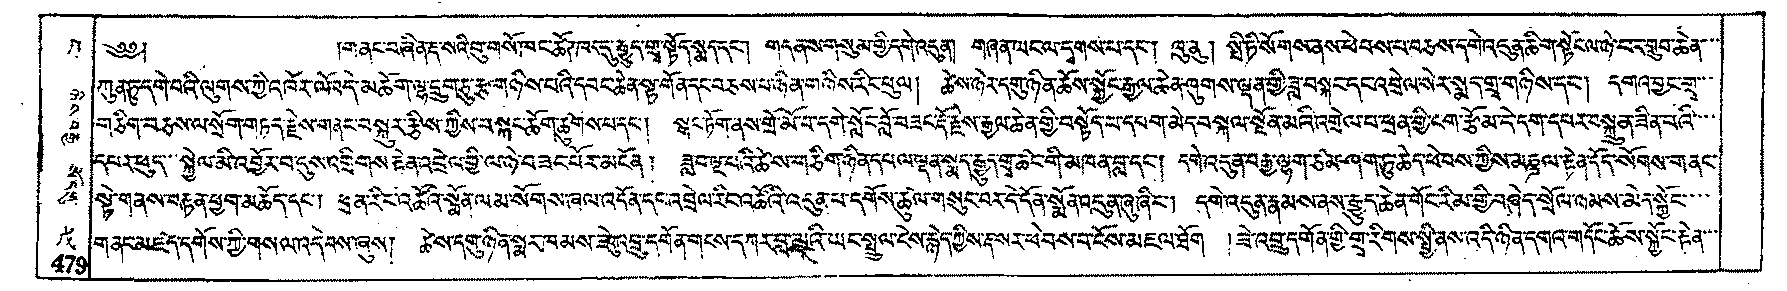༄༅། །གནང་བཞིན་རྡ་སའི་བུ་གསོ་ཁང་ཚོགས་ཁང་དུ་རྒྱུད་གྲྭ་སྟོད་སྨད་དང་། གདན་ས་གསུམ་གྱི་དགེ་འདུན། གཞན་ཡང་ལ་དྭགས་པ་དང་། ཁུ་ནུ། སྤི་ཏི་སོགས་ནས་ཕེབས་པ་བཅས་དགེ་འདུན་ཆིག་སྟོང་ལ་ཉེ་བར་གྲུབ་ཆེན་
ཀུན་ཏུ་དགེ་བའི་ལུགས་ཀྱི་འཁོར་ལོ་བདེ་མཆོག་ལྷ་དྲུག་ཅུ་རྩ་གཉིས་པའི་དབང་ཆེན་སྟ་གོན་དང་བཅས་པ་ཉིན་གཉིས་རིང་ཕུལ། ཚེས་ཉེར་དགུ་ཉིན་ཆོས་སྐྱོང་རྒྱལ་ཆེན་ཤུགས་ལྡན་གྱི་ཟླ་བསྐང་དང་འབྲེལ་སེར་སྨད་གྲྭ་གཉིས་དང་། དགའ་བྱང་གྲྭ་
གཅིག་བཅས་ལ་སྲོག་གཏད་རྗེས་གནང་བསྐུར་རྩིས་ཀྱིས་བསྐང་ཆོག་ཚུགས་པ་དང་། སྒང་ཏོག་ནས་གྲོ་མོ་བ་དགེ་སློང་བློ་བཟང་རྡོ་རྗེས་རྒྱལ་ཆེན་གྱི་བསྟོད་པ་དཔག་མེད་བསྐལ་སྔོན་མའི་འགྲེལ་པ་ཕྲན་གྱི་ངག་རྩོམ་དེ་དག་དཔར་བསྐྲུན་ཟིན་པའི་
དཔར་ཕུད་སྐྱེལ་མི་འབྱོར་བ་དུས་འགྲིགས་རྟེན་འབྲེལ་གྱི་ལ་ཉེ་བཟང་པོར་མངོན། ཟླ་བ་ལྔ་པའི་ཚེས་གཅིག་ཉིན་དཔལ་ལྡན་སྨད་རྒྱུད་གྲྭ་ཚང་གི་མཁན་བླ་དང་། དགེ་འདུན་བརྒྱ་ལྷག་ཙམ་ཤག་ཏུ་ཆེད་ཕེབས་ཀྱིས་མཎྜལ་རྟེན་དོད་སོགས་གནང་
སྟེ་གནས་བརྟན་ཕྱག་མཆོད་དང་། ཕྲན་རིང་འཚོའི་སྨོན་ལམ་སོགས་ཞལ་འདོན་དང་འབྲེལ་རིང་འཚོའི་འདུན་པ་དགོས་ཚུལ་གསུང་བར་དེ་དོན་སྨོན་འདུན་ཞུ་ཞིང་། དགེ་འདུན་རྣམས་ནས་རྒྱུད་ཆེན་གོང་རིམ་གྱི་བཞེད་སྲོལ་ཉམས་མེད་སྐྱོང་
གནང་མཛད་དགོས་ཀྱི་གསལ་འདེབས་ཞུས། ཚེས་དགུ་ཉིན་སྨར་ཁམས་ཟེའུ་འབྲུ་དགོན་གངས་དཀར་བླ་མའི་ཡང་སྤྲུལ་ངེས་རྙེད་ཀྱིས་རྡ་སར་ཕེབས་པ་ངོས་མཇལ་ཐོག །ཟེ་འབྲུ་དགོན་གྱི་གྲྭ་རིགས་སྤྱི་ནས་འདི་ཉིན་དགའ་གདོང་ཆོས་སྐྱོང་རྟེན་